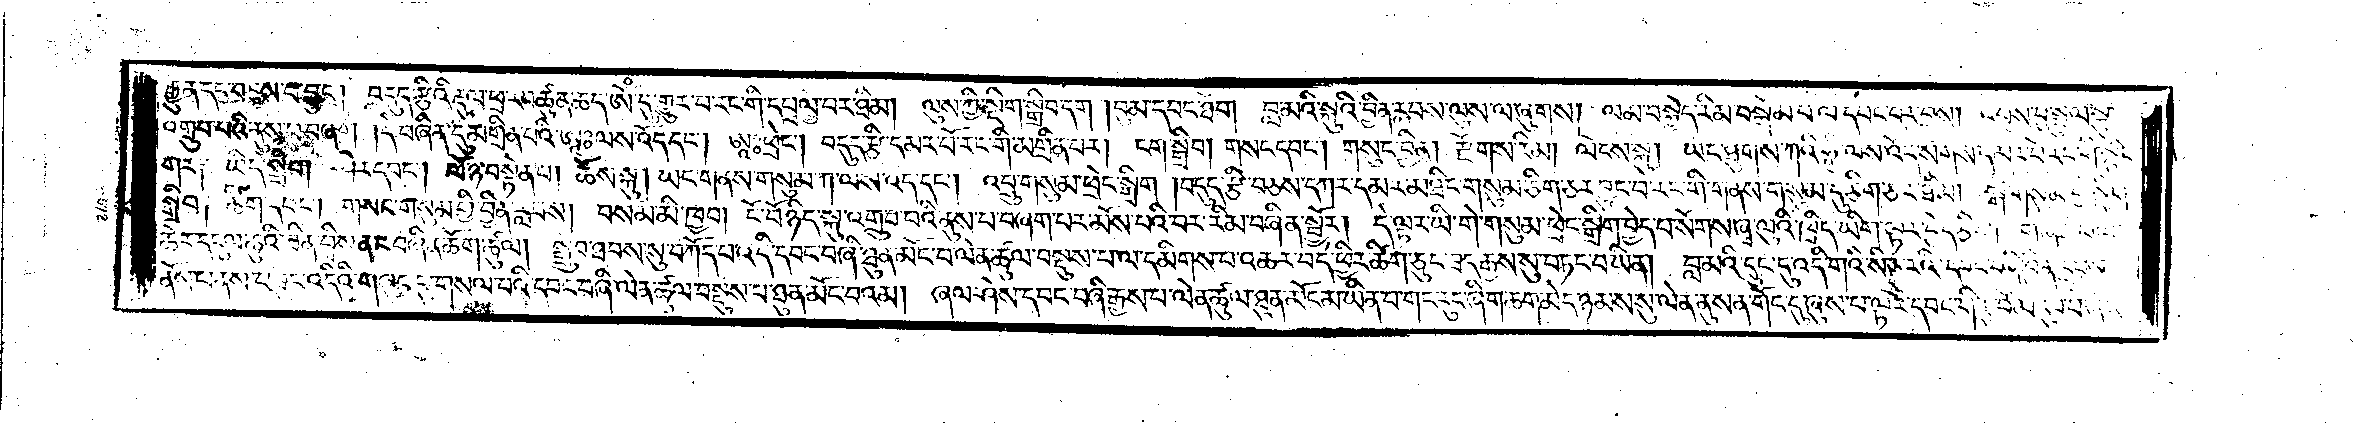རྒྱུན་དང་བཅས་པ་བྱུང་། བདུད་རྩིའི་རྡུལ་ཕྲ་རབ་ཚུན་ཆད་ཨོཾ་དུ་གྱུར་བ་རང་གི་དཔྲལ་བར་ཐིམ། ལུས་ཀྱི་སྡིག་སྒྲིབ་དག །བུམ་དབང་ཐོབ། བླ་མའི་སྐུའི་བྱིན་རླབས་ལུས་ལ་ཞུགས། ལམ་བསྐྱེད་རིམ་བསྒོམ་པ་ལ་དབང་བར་བྱས། འབྲས་བུ་སྤྲུལ་སྐུ་
འགྲུབ་པའི་ནུས་པ་བཞག །དེ་བཞིན་དུ་མགྲིན་པའི་ཨཱཿ ལས་འོད་དང་། ཨཱཿ ཕྲེང་། བདུད་རྩི་དམར་པོ་རང་གི་མགྲིན་པར། ངག་སྒྲིབ། གསང་དབང་། གསུང་བྱིན། རྫོགས་རིམ། ལོངས་སྐུ། ཡང་ཐུགས་ཀའི་ཧཱུཾ་ལས་འོད་སོགས་དམར་པོ་རང་གི་སྙིང་
གར༑ ཡིད་སྒྲིབ། ཤེར་དབང་། ཕོ་ཉ་བསྟེན་པ། ཆོས་སྐུ། ཡང་གནས་གསུམ་ཀ་ལས་འོད་དང་། འབྲུ་གསུམ་ཕྲེང་སྒྲིག །བདུད་རྩི་བཅས་དཀར་དམར་མཐིང་གསུམ་ཅིག་ཅར་བྱུང་བ་རང་གི་གནས་གསུམ་དུ་ཅིག་ཅར་ཐིམ། སྒོ་གསུམ་གྱི་སྡིག་
སྒྲིབ༑ ཚིག་དབང་། གསང་གསུམ་གྱི་བྱིན་རླབས། བསམ་མི་ཁྱབ། ངོ་བོ་ཉིད་སྐུ་འགྲུབ་པའི་ནུས་པ་བཞག་པར་མོས་པའི་བར་རིམ་བཞིན་སྦྱོར། དེ་ལྟར་ཡི་གེ་གསུམ་ཕྲེང་སྒྲིག་བྱེད་པ་སོགས་ཞྭ་ལུའི་ཁྲིད་ཡིག་ལྟར་བྱེད་ཅིང་། གཞན་ཕལ་
ཆེར་དངུལ་ཆུའི་ཟིན་བྲིས་ནང་བཞིན་ཆོག་ཚུལ། སྒྲུབ་ཐབས་སུ་བཀོད་པ་འདི་དབང་བཞི་ཐུན་མོང་བ་ལེན་ཚུལ་བསྡུས་པ་ལ་དམིགས་པ་འཆར་བ་དེ་ཕྱིར་ཚིག་ཅུང་ཟད་རྒྱས་སུ་བཏང་བ་ཡིན། བླ་མའི་དྲུང་དུ་འདི་གའི་སིནྡྷཱུ་རའི་དབང་བཞི་བྱིན་རླབས་
ནོས་བ་ནས་བཟུང་འདིའི་གཞུང་དུ་གསལ་བའི་དབང་བཞི་ལེན་ཚུལ་བསྡུས་པ་ཐུན་མོང་བའམ། ཞལ་ཤེས་དབང་བཞི་རྒྱས་པ་ལེན་ཚུལ་ཐུན་མོང་མ་ཡིན་པ་གང་རུང་ཞིག་ཆག་མེད་ཉམས་སུ་ལེན་ནུས་ན་གོང་དུ་ཞུས་པ་ལྟར་དབང་གི་ཆུ་བོ་མ་ནུབ་པ་ཞེས་